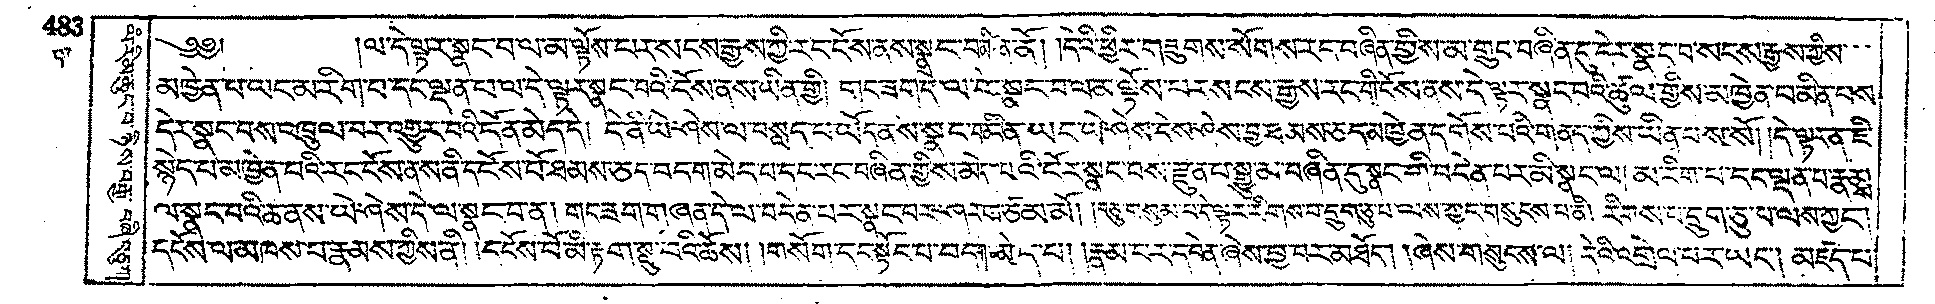༄༅། །ལ་དེ་ལྟར་སྣང་བ་ལ་མ་ལྟོས་པར་སངས་རྒྱས་ཀྱི་རང་ངོས་ནས་སྣང་བ་མིན་ནོ། །དེའི་ཕྱིར་གཟུགས་སོགས་རང་བཞིན་གྱིས་མ་གྲུབ་བཞིན་དུ་དེར་སྣང་བ་སངས་རྒྱས་ཀྱིས་
མཁྱེན་པ་ཡང་མ་རིག་པ་དང་ལྡན་པ་ལ་དེ་ལྟར་སྣང་བའི་ངོས་ནས་ཡིན་གྱི། གང་ཟག་དེ་ལ་དེར་སྣང་བ་ལ་མ་ལྟོས་པར་སངས་རྒྱས་རང་གི་ངོས་ནས་དེ་ལྟར་སྣང་བའི་ཚུལ་གྱིས་མཁྱེན་པ་མིན་པས་
དེར་སྣང་བས་འཁྲུལ་བར་འགྱུར་བའི་དོན་མེད་དེ། དེ་ནི་ཡེ་ཤེས་ལ་བསླད་པ་ཡོད་ནས་སྣང་བ་མིན་ཡང་ཡེ་ཤེས་དེས་ཤེས་བྱ་ཐམས་ཅད་མཁྱེན་དགོས་པའི་གནད་ཀྱིས་ཡིན་པས་སོ། །དེ་ལྟར་ན་ཇི་
སྙེད་པ་མཁྱེན་པའི་རང་ངོས་ནས་ནི་དངོས་པོ་ཐམས་ཅད་བདག་མེད་པ་དང་རང་བཞིན་གྱིས་མེད་པའི་ངོར་སྣང་བས་རྫུན་པ་སྒྱུ་མ་བཞིན་དུ་སྣང་གི་བདེན་པར་མི་སྣང་ལ། མ་རིག་པ་དང་ལྡན་པ་རྣམས་
ལ་སྣང་བའི་ཆ་ནས་ཡི་ཤེས་དེ་ལ་སྣང་བ་ན། གང་ཟག་གཞན་དེ་ལ་བདེན་པར་སྣང་བར་ཤར་བ་ཙམ་མོ། །བཅུ་གསུམ་པ་དེ་ལྟར་རིགས་པ་དྲུག་ཅུ་པ་ལས་ཀྱང་གསུངས་པ་ནི། རིགས་པ་དྲུག་ཅུ་པ་ལས་ཀྱང་།
དངོས་ལ་མཁས་པ་རྣམས་ཀྱིས་ནི། །དངོས་པོ་མི་རྟག་སླུ་བའི་ཆོས། །གསོག་དང་སྟོང་པ་བདག་མེད་པ། །རྣམ་པར་དབེན་ཞེས་བྱ་བར་མཐོང་། །ཞེས་གསུངས་ལ། དེའི་འགྲེལ་པར་ཡང་། མཛད་པ་